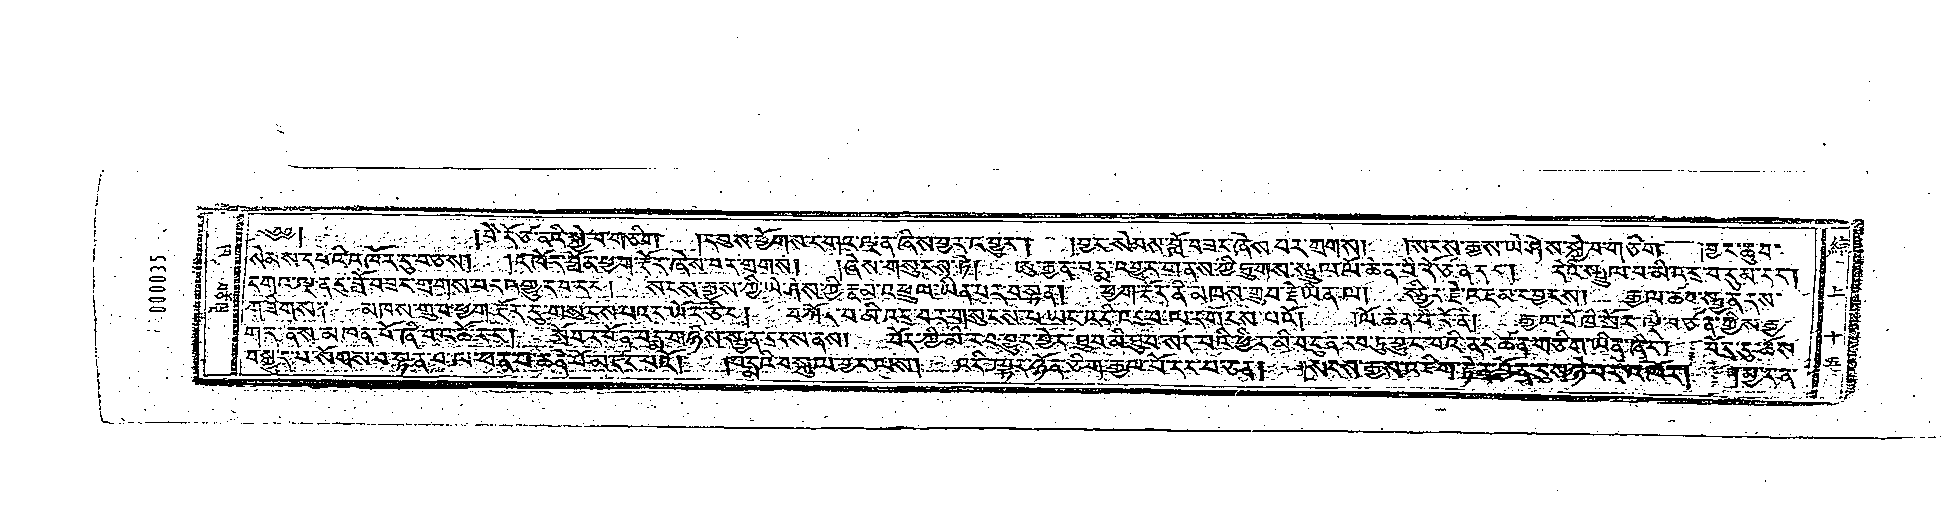༄༅། །བཻ་རོ་ཙ་ནའི་སྐྱེ་བ་གཅིག །དབུས་ཕྱོགས་དགའ་ལྡན་ཞེས་བྱར་འབྱུང་། །བྱང་སེམས་བློ་བཟང་ཞེས་པར་གྲགས། །སངས་རྒྱས་ཡེ་ཤེས་སྐྱེ་བ་གཅིག །བྱང་ཆུབ་
སེམས་དཔའི་འཁོར་དུ་བཅས། །འཁོར་བློན་ཕྱག་རྡོར་ཞེས་པར་གྲགས། །ཞེས་གསུངས་ཏེ། ཨུ་རྒྱན་པདམ་འབྱུང་གནས་ཀྱི་ཐུགས་སྤྲུལ་ལོ་ཆེན་བཻ་རོ་ཙ་ན་དང་། དེའི་སྤྲུལ་པ་མི་འདྲ་བ་དུ་མ་དང་།
དགའ་ལྡན་དུ་བློ་བཟང་གྲགས་པར་འགྱུར་བ་དང་། སངས་རྒྱས་ཀྱི་ཡེ་ཤེས་ཀྱི་རྣམ་འཕྲུལ་ཡིན་པར་བསྟན། ཕྱག་རྡོར་ནི་མཁས་གྲུབ་རྗེ་ཡིན་ལ། སྤྱིར་རྗེ་འཇམ་དབྱངས། རྒྱལ་ཚབ་སྤྱན་རས་
གཟིགས༑ མཁས་གྲུབ་ཕྱག་རྡོར་དུ་གསུངས་པའང་ཡོད་ཅིང་། བཀོད་པ་མི་འདྲ་བར་གསུངས་པ་ཡང་འདི་འདྲ་བ་ལ་དགོངས་པའོ། །ལོ་ཆེན་པོ་རོ་ནི། རྒྱལ་པོ་ཁྲི་སྲོང་ལྡེ་བཙན་གྱིས་རྒྱ་
གར་ནས་མཁན་པོ་ཞི་བ་འཚོ་དང་། སློབ་དཔོན་པདམ་གཉིས་སྤྱན་དྲངས་ནས། བོད་ཀྱི་མི་རབ་བྱུང་བྱེད་ཐུབ་མི་ཐུབ་སང་བའི་ཕྱིར་མི་བདུན་རབ་ཏུ་བྱུང་བའི་ནང་ཚན་གཅིག་ཡིན་ཞིང་། བོད་དུ་ཆོས་
བསྒྱུར་པ་སོགས་བསྟན་པ་ལ་ཕན་པ་ཆེན་པོ་མཛད་པའོ། །པདམའི་བསྐུལ་བྱང་ལས། འདི་ལྟར་ཉོན་ཅིག་རྒྱལ་པོ་དད་པ་ཅན། །སངས་རྒྱས་འཇིག་རྟེན་བྱོན་དུས་ཉེ་བར་འཁོར། །མྱ་ངན་